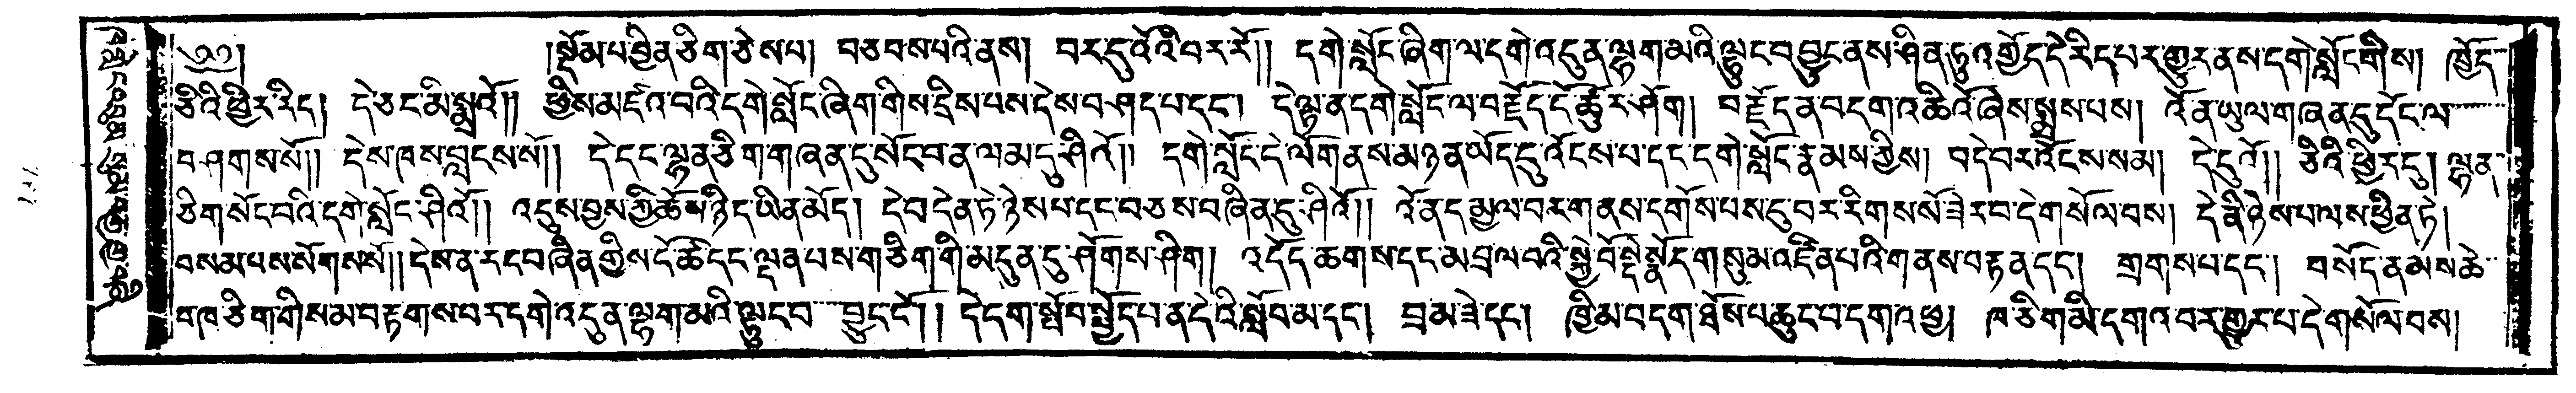༄༅། །སྡོམ་པ་བྱིན་ཅིག་ཅེས་པ། བཅབས་པའི་ནས། བར་དུ་འོའི་བར་རོ།། དགེ་སློང་ཞིག་ལ་དགེ་འདུན་ལྷག་མའི་ལྷུང་བ་བྱུང་ནས་ཤིན་ཏུ་འགྱོད་དེ་རིད་པར་གྱུར་ནས་དགེ་སློང་གིས། ཁྱོད་
ཅིའི་ཕྱིར་རིང་། དེ་ཅང་མི་སྨྲའོ།། ཕྱིས་མཛའ་བའི་དགེ་སློང་ཞིག་གིས་དྲིས་པས་དེས་བཤད་པ་དང་། དེ་ལྟ་ན་དགེ་སློང་ལ་བརྗོད་དོ་ཚུར་ཤོག། བརྗོད་ན་བདག་འཆིའོ་ཞེས་སྨྲས་པས། འོ་ན་ཡུལ་གཞན་དུ་དོང་ལ་
བཤགས་སོ།། དེས་ཁས་བླངས་སོ།། དེ་དང་ལྷན་ཅིག་གཞན་དུ་སོང་བ་ན་ལམ་དུ་ཤིའོ།། དགེ་སློང་དེ་ལོག་ནས་མཉན་ཡོད་དུ་འོངས་པ་དང་དགེ་སློང་རྣམས་ཀྱིས། བདེ་བར་འོངས་སམ། དེ་དུའོ།། ཅིའི་ཕྱིར་དུ། ལྷན་
ཅིག་སོང་བའི་དགེ་སློང་ཤིའོ།། འདུས་བྱས་ཀྱི་ཆོས་ཉིད་ཡིན་མོད། དེ་བདེན་ཏེ་ཉེས་པ་དང་བཅས་བཞིན་དུ་ཤིའོ།། འོ་ན་དམྱལ་བར་གནས་དགོས་པས་ངུ་བར་རིགས་སོ་ཟེར་བ་དེ་གསོལ་བས། དེ་ནི་ཉེས་པ་ལས་ཕྱིན་ཏེ།
བསམ་པས་སོགས་སོ།། དེས་ན་རང་བཞིན་གྱིས་ངོ་ཚ་དང་ལྡན་པས་གཅིག་གི་མདུན་དུ་ཤོགས་ཤིག། འདོད་ཆགས་དང་མ་བྲལ་བའི་སྐྱེ་བོ་སྡེ་སྣོད་གསུམ་འཛིན་པའི་གནས་བརྟན་དང་། གྲགས་པ་དང་། བསོད་ནམས་ཆེ་
བ་ཁ་ཅིག་གིས་མ་བརྟགས་པར་དགེ་འདུན་ལྷག་མའི་ལྟུང་བ་བྱུང་ངོ།། དེ་དག་སྤོ་བ་སྤྱོད་པ་ན་དེའི་སློབ་མ་དང་། བྲམ་ཟེ་དང་། ཁྱིམ་བདག་ཐོས་པ་ཆུང་བ་དག་འཕྱ། ཁ་ཅིག་མི་དགའ་བར་གྱུར་པ་དེ་གསོལ་བས།